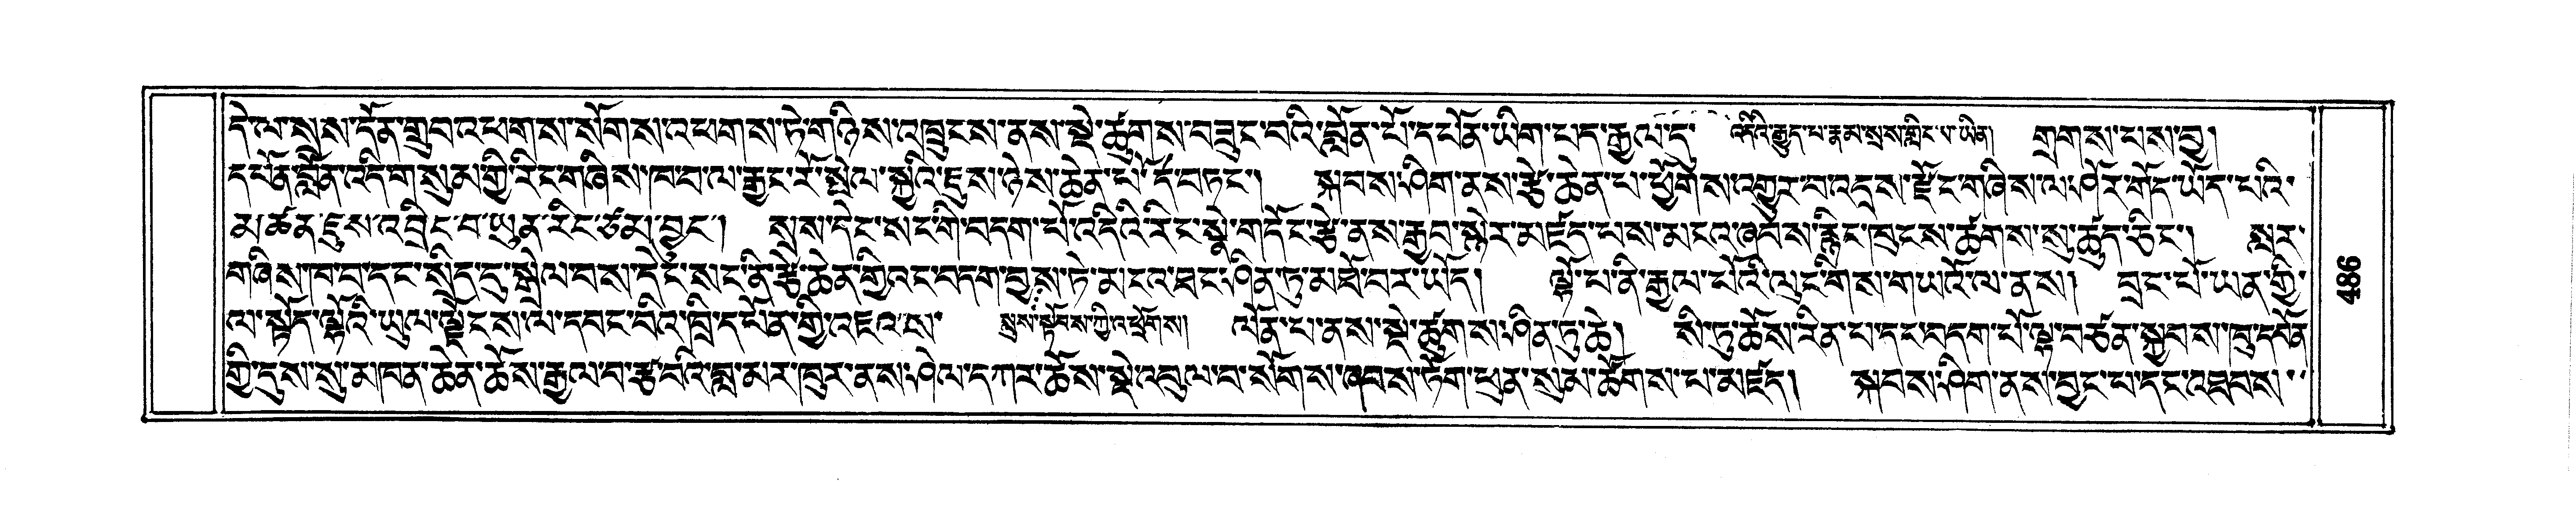དེ་ལ་སྲས་དོན་གྲུབ་འཕགས་སོགས་འཕགས་ཏེ་གཉིས་འཁྲུངས་ནས་སྡེ་ཚུགས་བཟུང་བའི་བློན་པོ་དཔོན་ཡིག་པད་རྒྱལ་དུ་འདིའི་རྒྱུད་པ་རྣམ་སྲས་གླིང་པ་ཡིན།  གྲགས་པས་བྱ།
དཔོན་བློན་འདི་གསུམ་གྱི་རིང་གཞིས་ཁ་བ་ལ་རྒྱང་རོ་སྤེལ་སྐྱའི་ཇུས་ཉེས་ཆེན་པོ་དེ་བཏང་། སྐབས་ཤིག་ནས་རྩེ་ཆེན་པ་ཕྱོགས་འགྱུར་བ་འདྲས་རྫོང་གཞིས་ལ་ཤོར་གོད་ཡོད་པའི་
མཚན་ཇུས་འབྲིང་བ་ཡུན་རིང་ཙམ་བྱུང་། སྲས་དེང་སང་གི་བདག་པོ་འདིའི་རིང་སྣེ་གདོང་རྩེ་ནས་རྒྱབ་སྙེར་མཛད་པས་མངའ་ཞབས་རྙིང་ཁུངས་ཚགས་སུ་ཚུད་ཅིང་། སླར་
གཞིས་ཁ་བ་དང་སྲིད་དུ་སྒྲེལ་བས་དེང་སང་ནི་རྩེ་ཆེན་གྱིའང་བདག་བྱས་ཏེ་མངའ་ཐང་ཤིན་ཏུ་མཐོ་བར་ཡོད། ལྷོ་པ་ནི་རྒྱལ་པོའི་ལུང་གིས་གཡའོ་ལ་ནས། བྲང་པོ་ཡན་གྱི་
ལ་སྟོད་ལྷོའི་ཡུལ་ལྗོངས་ལ་དབང་བའི་ཁྲི་དཔོན་གྱི་འཇའ་ས་སླུས་སྟོབས་ཀྱི་འཕྲོགས།  ལོན་པ་ནས་སྡེ་ཚུགས་ཤིན་ཏུ་ཆེ། སི་ཏུ་ཆོས་རིན་པ་དང་བདག་པོ་ལྷ་བཙན་སྐྱབས་ཁུ་དབོན་
གྱི་དུས་སུ་མཁན་ཆེན་ཆོས་རྒྱལ་བ་རྩ་བའི་བླ་མར་ཁུར་ནས་ཤེལ་དཀར་ཆོས་སྡེ་འབུལ་བ་སོགས་ཞབས་ཏོག་ཕུན་སུམ་ཚོགས་པ་མཛད། སྐབས་ཤིག་ནས་བྱང་པ་དང་འཐབས་